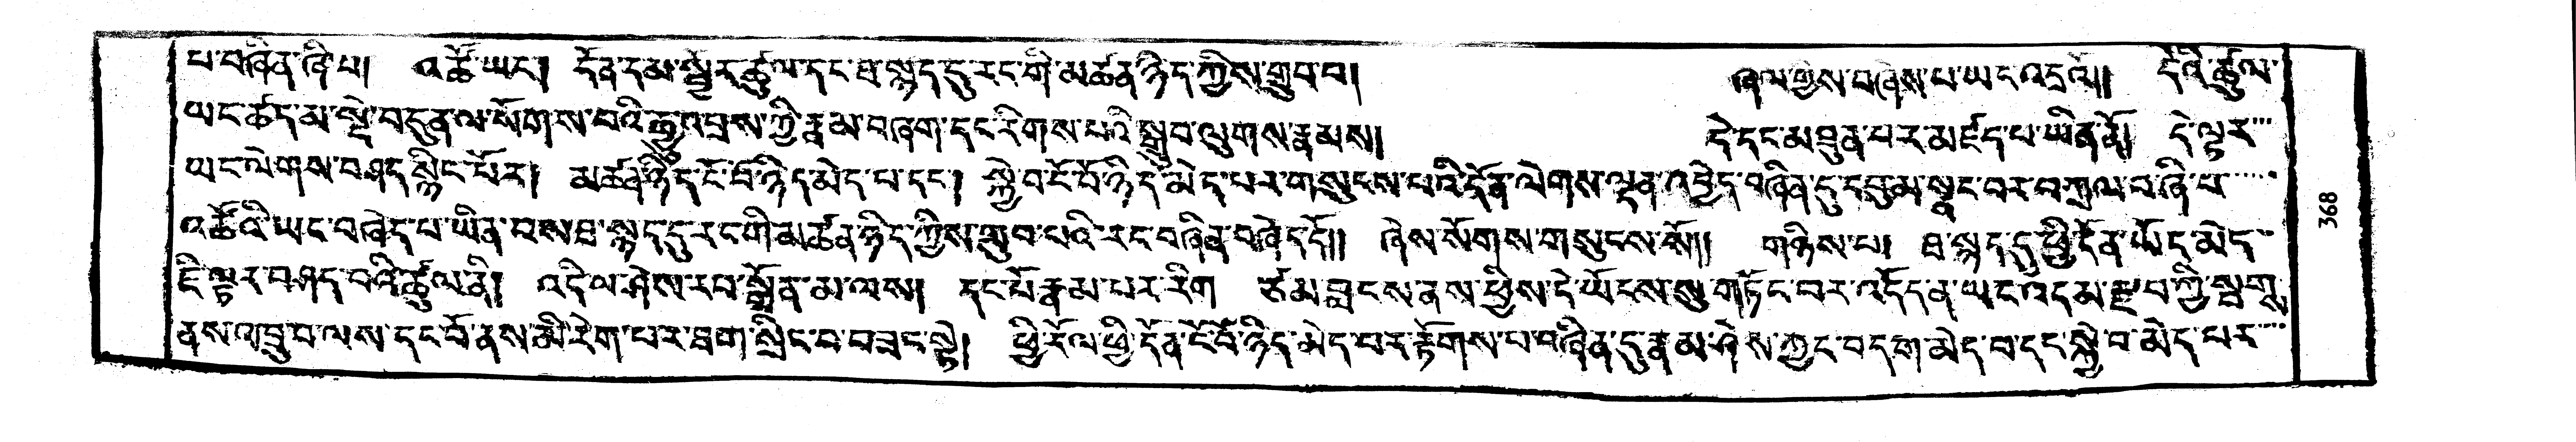པ་བཞིན་ཞི་པ། འཚོ་ཡང་། དོན་དམ་སྦྱོར་ཚུལ་དང་ཐ་སྙད་དུ་རང་གི་མཚན་ཉིད་ཀྱིས་གྲུབ་པ། ཞལ་གྱིས་བཞེས་པ་ཡང་འདྲའོ། །དེའི་ཚུལ་
ཡང་ཚད་མ་སྡེ་བདུན་ལ་སོགས་པའི་རྒྱུ་འབྲས་ཀྱི་རྣམ་བཞག་དང་རིགས་པའི་སྒྲུབ་ལུགས་རྣམས། དེ་དང་མཐུན་པར་མཛད་པ་ཡིན་ནོ། དེ་ལྟར་
ཡང་ལེགས་བཤད་སྙིང་པོར། མཚན་ཉིད་ངོ་བོ་ཉིད་མེད་པ་དང་། སྐྱེ་བ་ངོ་བོ་ཉིད་མེད་པར་གསུངས་པའི་དོན་ལེགས་ལྡན་འབྱེད་བཞིན་དུ་དབུ་མ་སྣང་བར་བཀྲལ་བཞི་པ་
འཚོའི་ཡང་བཞེད་པ་ཡིན་པས་ཐ་སྙད་དུ་རང་གི་མཚན་ཉིད་ཀྱིས་གྲུབ་པའི་རང་བཞིན་བཞེད་དོ། །ཞེས་སོགས་གསུངས་སོ། ། གཉིས་པ། ཐ་སྙད་དུ་ཕྱི་དོན་ཡོད་མེད་
ཇི་ལྟར་བཤད་པའི་ཚུལ་ནི། འདི་ལ་ཤེས་རབ་སྒྲོན་མ་ལས། དང་པོ་རྣམ་པར་རིག་ཙམ་བླངས་ནས་ཕྱིས་དེ་ཡོངས་སུ་གཏོང་བར་འདོད་ན་ཡང་འདམ་རྫབ་ཀྱི་སྦགས་
ནས་འཁྲུ་བ་ལས་དང་པོ་ནས་མི་རེག་པར་ཐག་སྲིང་བ་བཟང་སྟེ། ཕྱི་རོལ་ཕྱི་དོན་ངོ་བོ་ཉིད་མེད་པར་རྟོགས་པ་བཞིན་དུ་རྣམ་ཤེས་ཀྱང་བདག་མེད་བ་དང་སྐྱེ་བ་མེད་པར་